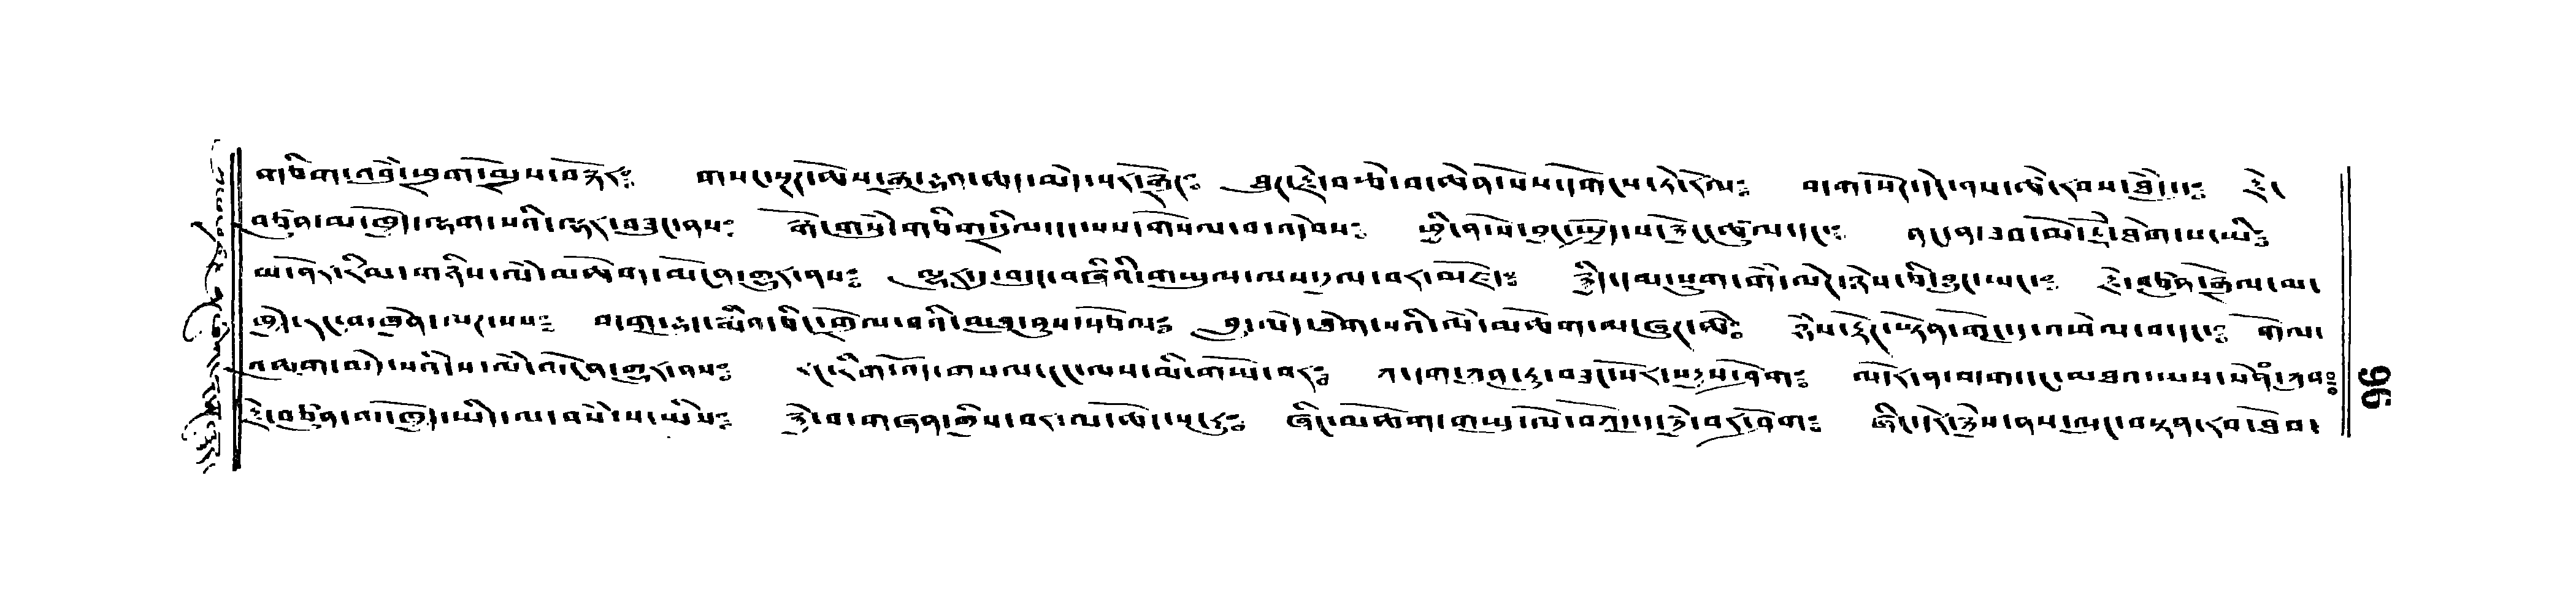གཅིག་འབུམ་ཕྲག་མཁའ་འགྲོས་བསྐོར༔གསང་སྔགས་ཆོས་སྒྲ་རྒྱུན་ཆད་མེད་པར་སྒྲོག༔ ཐུགས་རྗེ་བརྩེ་བ་ཆེན་པོས་དགོངས་ཏེ་རོལ༔ བདག་སོགས་དེང་ནས་ཚེ་རབས་ཐམས་ཅད་དུ༔ རྗེ་
བཙུན་མ་ཁྱོད་ལྷག་པའི་ལྷར་བཟུང་ནས༔ སྒོ་གསུམ་གཅིག་དྲེིལ་དད་པས་གསོལ་བ་འདེབས༔ ཕྱི་ན་སོ་བྱང་སྤྱོད་པ་སྐྱོང་ཚུལ་དང༔ ནང་ན་ཟབ་མོ་རྡོ་རྗེ་ཐེག་པ་ཡི༔ 
མ་ནོར་རིམ་གཉིས་ལམ་མཆོག་མངོན་གྱུར་ནས༔ མྱུར་དུ་བདུད་བཞིའི་གཡུལ་ལས་རྒྱལ་བར་མཛོད༔ སྐྱིད་དམ་སྡུག་གམ་ལེགས་ཉེས་ཅི་བྱུང་ཡང༔ རྗེ་བཙུན་སྒྲོལ་མ་
ཁྱེད་རང་མཁྱེན་ལགས་པས༔ བདག་རྒྱུད་སྨིན་ཅིང་གྲོལ་བའི་མཐུ་ནུས་སྩོལ༔ བླ་མེད་ཐེག་པའི་ལམ་མཆོག་ལ་ཞུགས་ཚེཿ ཉམས་རྟོགས་ཡོན་ཏན་གོང་དུ་འཕེལ་བ་དང༔ གོལ་
འཆུག་མེད་པའི་ས་ལམ་མངོན་གྱུར་ནས༔ རང་རིག་འོད་གསལ་ངང་ལས་མི་གཡོ་བར༔ ཀ་དག་ཀུན་ཏུ་བཟང་པོར་སངས་རྒྱས་ཤོག༔ མདོར་ན་བདག་དང་མཐའ་ཡས་སེམས་ཅན་ཀུན༔ 
རྗེ་བཙུན་མ་ཁྱོད་ཡིད་ལ་བསམ་པ་ཡིས༔ སྐྱེ་བ་གཞན་གྱིས་བར་མ་ཆོད་པ་རུ༔ ཞིང་མཆོག་གཡུ་ལོ་བཀོད་དུ་སྐྱེ་བར་ཤོག༔ ཞིང་དེར་སྐྱེས་ནས་ལུང་བསྟན་རབ་ཐོབ་